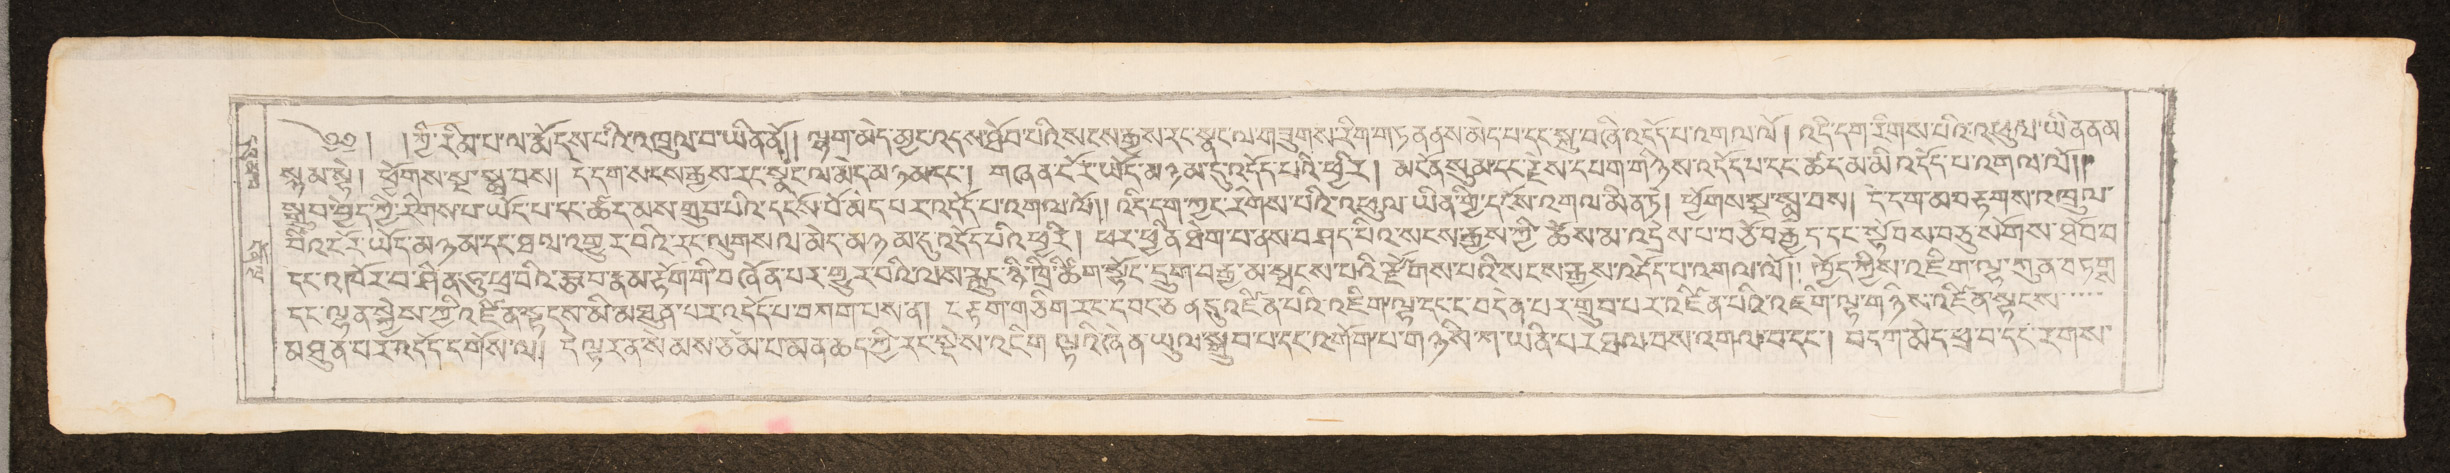༄༅། །ཀྱི་རིམ་པ་ལ་རྨོངས་པའི་འཁྲུལ་བ་ཡིན་ནོ། །ལྷག་མེད་མྱང་འདས་ཐོབ་པའི་སངས་རྒྱས་རང་སྣང་ལ་གཟུགས་རིག་གཏན་ནས་མེད་པ་དང་སྐུ་བཞི་འདོད་པ་འགལ་ལོ། འདི་དག་རིགས་པའི་འཕུལ་ཡིན་ནམ་
སྙམ་སྟེ། ཕྱོགས་སྔ་སྨྲ་བས། དེ་དག་སངས་རྒྱས་རང་སྣང་ལ་མེད་མཉམ་དང་། གཞན་ངོར་ཡོད་མཉམ་དུ་འདོད་པའི་ཕྱིར། མངོན་སུམ་དང་རྗེས་དཔག་གཉིས་འདོད་པ་དང་ཚད་མ་མི་འདོད་པ་འགལ་ལོ། །
སྒྲུབ་བྱེད་ཀྱི་རིགས་པ་ཡོད་པ་དང་ཚད་མས་གྲུབ་པའི་དངོས་པོ་མེད་པར་འདོད་པ་འགལ་ལོ། །འདི་དག་ཀྱང་རིགས་པའི་འཕུལ་ཡིན་གྱི་དངོས་འགལ་མིན་ཏེ། ཕྱོགས་སྔ་སྨྲ་བས། དེ་དག་མ་བརྟགས་འཁྲུལ་
བིའ་ངོར་ཡོད་མཉམ་དང་ཐལ་འགྱུར་བའི་རང་ལུགས་ལ་མེད་མཉམ་དུ་འདོད་པའི་ཕྱིར། ཕར་ཕྱིན་ཐེག་པ་ནས་བཤད་པའི་སངས་རྒྱས་ཀྱི་ཆོས་མ་འདྲིས་པ་བཅོ་བརྒྱད་དང་སྟོབས་བཅུ་སོགས་ཐོབ་པ་
དང་འཁོར་བ་ཤིན་ཏུ་ཕྲ་བའི་རྩ་བ་རྣམ་རྟོག་གི་བཞོན་པར་གྱུར་བའི་ལས་རླུང་ཉི་ཁྲི་ཆིག་སྟོང་དྲུག་བརྒྱ་མ་སྤངས་པའི་རྫོགས་པའི་སངས་རྒྱས་འདོད་པ་འགལ་ལོ། །ཁྱོད་ཀྱིས་འཇིག་ལྟ་ཀུན་བཏགས་
དང་ལྷན་སྐྱེས་ཀྱི་འཛིན་སྟངས་མི་མཐུན་པར་འདོད་པ་བཀག་པས་ན། ང་རྟག་གཅིག་རང་དབང་ཅན་དུ་འཛིན་པའི་འཇིག་ལྟ་དང་ང་བདེན་པར་གྲུབ་པར་འཛིན་པའི་འཇིག་ལྟ་གཉིས་འཛིན་སྟངས་
མཐུན་པར་འདོད་དགོས་ལ། དེ་ལྟར་ན་སེམས་ཙམ་པ་མན་ཆད་ཀྱི་རང་སྡེས་འཇིག་ལྟའི་ཞེན་ཡུལ་སྒྲུབ་པ་དང་འགོག་པ་གཉིས་ཀ་ཡིན་པར་ཐལ་བས་འགལ་བ་དང་། བདག་མེད་ཕྲ་བ་དང་རགས་